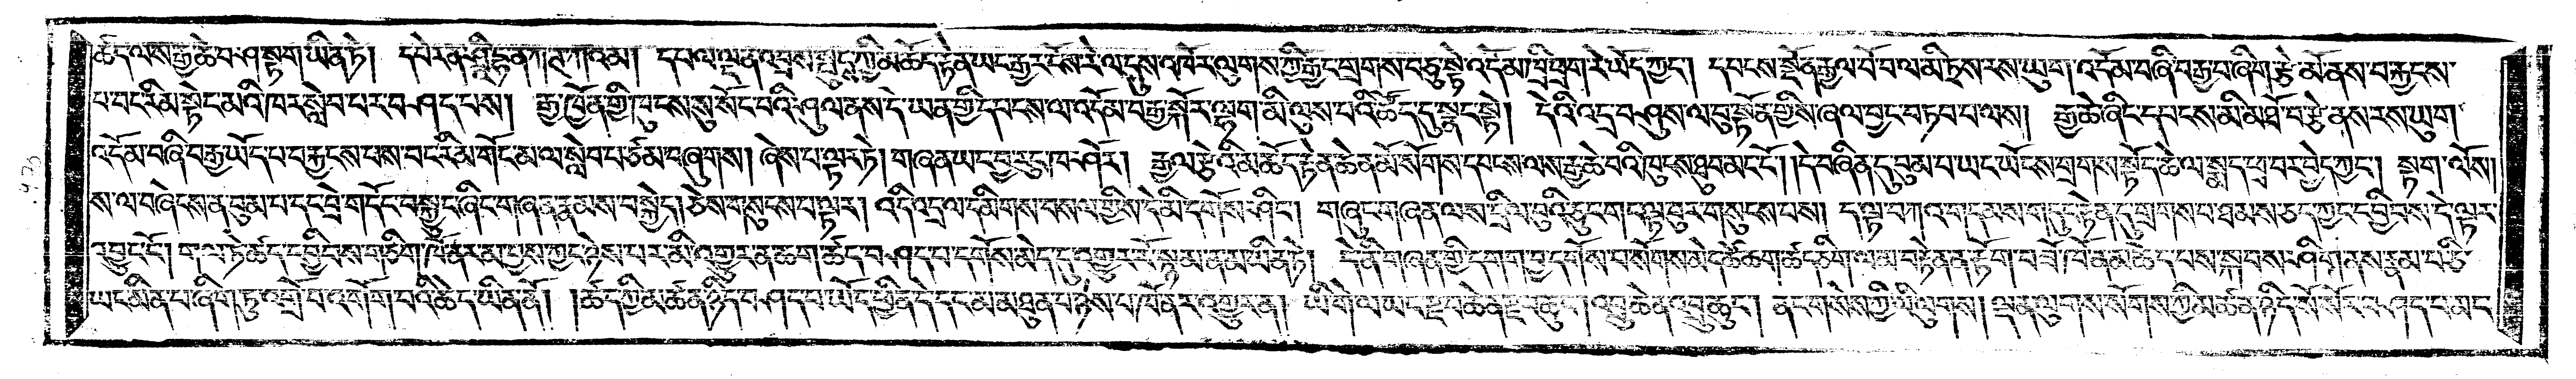ཚད་ལས་རྒྱ་ཆེ་བ་ཤ་སྟག་ཡིན་ཏེ། དཔེར་ན་ཤྲཱིདྷ་ན་ཀ་ཊ་ཀའམ། དཔལ་ལྡན་འབྲས་སྤུངས་ཀྱི་མཆོད་རྟེན་ཡང་རྒྱར་ངོས་རེ་ལ་དུས་འཁོར་ལུགས་ཀྱི་རྒྱང་གྲགས་བཅུ་སྟེ་འདོམ་ཁྲི་ཕྲག་དེ་ཡོད་ཀྱང་། དབངས་སྔོན་རྒྱལ་བོ་བལ་མི་ཏྲས་རས་ཡུག་འདོམ་བཞི་བརྒྱ་པ་ཞིག་རྩེ་མོ་ནས་བརྐྱངས་
པ་བང་རིམ་སྟེང་མའི་ཁར་སླེབ་བར་བཤད་པས། རྒྱ་ཁྱོན་གྱི་ཁུངས་སུ་སོང་བའི་ཤུལ་ནས་དེ་ཡན་གྱི་དཔངས་ལ་འདོམ་བརྒྱ་སྐོར་ལྷག་མི་ལུས་པའི་ཚོད་དུ་སྣང་སྟེ། དེའི་འདྲ་བཤུས་ལ་བུ་སྟོན་གྱིས་ཞལ་བྱང་བཏབ་པ་ལས། རྒྱ་ཆེ་ཞིང་དབངས་མི་མཐོ་བ་རྩེ་ནས་རས་ཡུག་
འདོམ་བཞི་བརྒྱ་ཡོད་པ་བརྐྱངས་བས་བང་རིམ་གོང་མ་ལ་སླེབ་པ་ཙམ་བཞུགས། ཞེས་པ་ལྟར་ཏེ། གཞན་ཡང་བྱ་རུང་ཁ་ཤོར། རྒྱལ་རྩེའི་མཆོད་རྟེན་ཆེན་མོ་སོགས་དབངས་ལས་རྒྱ་ཆེ་བའི་ཁུངས་ཐུབ་མང་ངོ། །དེ་བཞིན་དུ་བུམ་པ་ཡང་ཡོངས་གྲགས་སྟོད་ཆེ་ལ་སྨད་ཕྲ་བར་བྱེད་ཀྱང་། སྟག་ལོས།
སལ་བཞེངས་ན་བུམ་པ་དང་བྲེ་གདོང་བསྐྱུང་ཞིང་གཞན་རྣམས་བསྐྱེད། ཅེས་གསུངས་པ་ལྟར། འདི་འདྲ་ལ་དམིགས་བསལ་གྱིས་དེ་མི་དགོས་ཤིང་། གཞུང་གཞན་ལས་དྲིལ་བུའི་ཅུང་གང་ལྟ་བུར་གསུངས་པས། ད་ལྟ་བཀའ་གདམས་གདུང་རྟེན་དུ་གྲགས་པ་ཐམས་ཅད་ཀྱང་དབྱིབས་དེ་ལྟར་
འབྱུང་ངོ། གལ་ཏེ་ཚད་དབྱིབས་གཅིག་ཁོ་ནར་མ་བྱས་ཀྱང་ཉེས་བར་མི་འགྱུར་ན་ཆག་ཚད་བཤད་བ་དགོས་མེད་དུ་འགྱུར་རོ་སྙམ་ན་མ་ཡིན་ཏེ། དེ་ནི་གཞན་གྱི་དགག་བྱ་དགོས་པ་སོགས་མེད་ཚེ་ཆག་ཚད་ཅིག་ལམ་བརྟེན་ན་རྟོག་བཟོ་ཁོ་ན་མཆེད་པས་སྐབས་ཤིག་ནས་རྣམ་བ་ཅི་
ཡང་མིན་པ་ཞིག་ཏུ་འགྲོ་བ་འགོག་བའི་ཆེད་ཡིན་ནོ། །ཚད་ཀྱི་མཚན་ཉིད་བཤད་པ་ཡོད་ཕྱིན་དེ་དང་མ་མཐུན་པ་ཉེས་པ་ཁོ་ནར་འགྱུར་ན། ཡི་གེ་ལ་ཡང་རྫབ་ཆེན་རྫབ་ཆུང་། འབྲུ་ཆེན་འབྲུ་ཆུང་། ནང་གསེས་ཀྱི་ལི་ལུགས། ལྡན་ལྕགས་སོགས་ཀྱི་མཚན་ཉིད་སོ་སོར་བཤད་པ་མང་